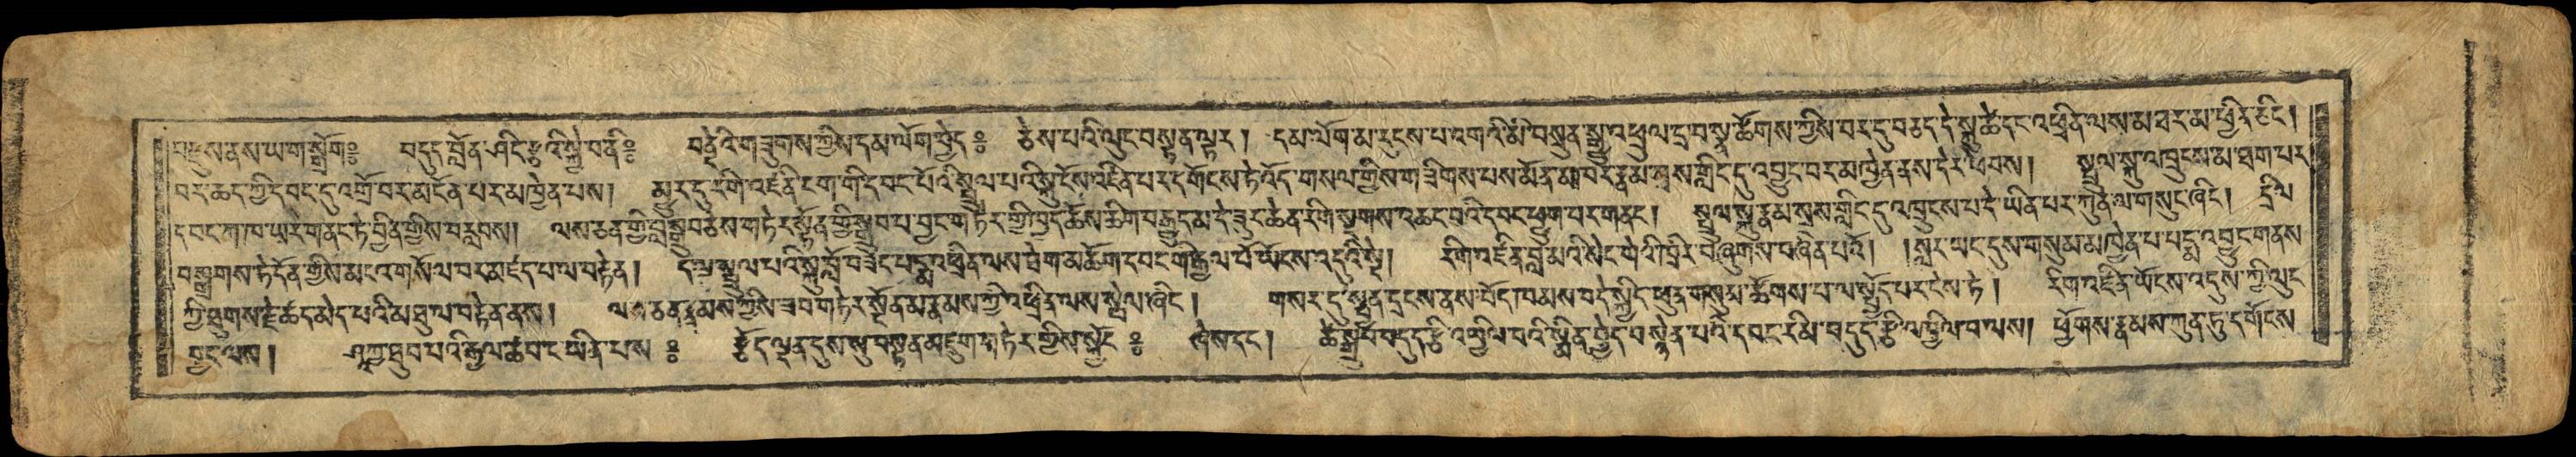བརྫུས་ནས་ཡ་ག་སྒྲོགཿ་བདུད་བློན་ཤིང་རྩའི་སྐྱེ་བ་ནིཿ་བནྡེའི་གཟུགས་ཀྱིས་དམ་ལོག་བྱེདཿ་ཅེས་པའི་ལུང་བསྟན་ལྟར། དམ་ལོག་མ་རུངས་པ་འགའི་མི་བསྲུན་སྒྱུ་འཕྲུལ་དྲ་བ་སྣ་ཚོགས་ཀྱིས་བར་དུ་བཅད་དེ་སྐུ་ཚེ་དང་འཕྲིན་ལས་མཐར་མ་ཕྱིན་ཅིང་།
བར་ཆད་ཀྱི་དབང་དུ་འགྲོ་བར་མངོན་པར་མཁྱེན་པས། མྱུར་དུ་རིག་འཛིན་ངག་གི་དབང་པོའི་སྤྲུལ་པའི་སྐུ་ངོས་འཛིན་པར་དགོངས་ཏེ་འོད་གསལ་གྱིས་གཟིགས་པས་མོན་མཁར་རྣམ་སྲས་གླིང་དུ་འབྱུང་བར་མཁྱེན་ནས་དེར་ཕེབས། སྤྲུལ་སྐུ་འཁྲུངས་མ་ཐག་པར་
དབང་ཀ་ཁ་ཡར་གནང་ཏེ་བྱིན་གྱིས་བརླབས། ལས་ཅན་གྱི་བླ་སྒྲུབ་ཅེས་གཏེར་སྟོན་གྱི་སྒྲུབ་པ་བྱང་གཏེར་གྱི་ཁད་ཆོས་ཆིག་བརྒྱུད་མ་དེ་ཟུར་ཆེན་རིག་སྔགས་འཆང་བའི་དབང་ཕྱུག་པར་གནང་། སྤྲུལ་སྐུ་རྣམ་སྲས་གླིང་དུ་འཁྲུངས་པ་དེ་ཡིན་པར་ཀུན་ལ་གསུང་ཞིང་། དྲིལ་
བསྒྲགས་ཏེ་དོན་གྱིས་མངའ་གསོལ་བར་མཛད་པ་ལ་བརྟེན། ད་ལྟ་སྤྲུལ་པའི་སྐུ་བློ་བཟང་པདམ་འཕྲིན་ལས་ཐེག་མཆོག་དབང་གི་རྒྱལ་པོ་ཡོངས་འདུའི་སྡེ། རིག་འཛིན་བློ་མའི་སེང་གེའི་ཁྲིར་བཞུགས་བཞིན་པའོ། །སླར་ཡང་དུས་གསུམ་མཁྱེན་པ་པདམ་འབྱུང་གནས་
ཀྱི་ཐུགས་རྗེ་ཚད་མེད་པའི་མཐུ་ལ་བརྟེན་ནས། ལས་ཅན་རྣམས་ཀྱིས་ཟབ་གཏེར་སྔོན་མ་རྣམས་ཀྱི་འཕྲིན་ལས་སྤེལ་ཞིང་། གསར་དུ་སྤྱན་དྲངས་ནས་བོད་ཁམས་བདེ་སྐྱིད་ཕུན་གསུམ་ཚོགས་པ་ལ་སྤྱོད་པར་ངེས་ཏེ། རིག་འཛིན་ཡོངས་འདུས་ཀྱི་ལུང་
བྱང་?་ལས། ཤཱཀྱ་ཐུབ་པའི་རྒྱལ་ཚབ་ང་ཡིན་པསཿ་རྩོད་ལྡན་དུས་སུ་བསྟན་མཇུག་གཏེར་གྱིས་སྐྱོངཿ་ཞེས་དང་། ཚེ་སྒྲུབ་བདུད་རྩི་འཁྱིལ་བའི་སྨིན་བྱེད་བསྙེན་པའི་དབང་རིམ་བདུད་རྩི་འཁྱིལ་བ་ལས། ཕྱོགས་རྣམས་ཀུན་ཏུ་དགོངས་